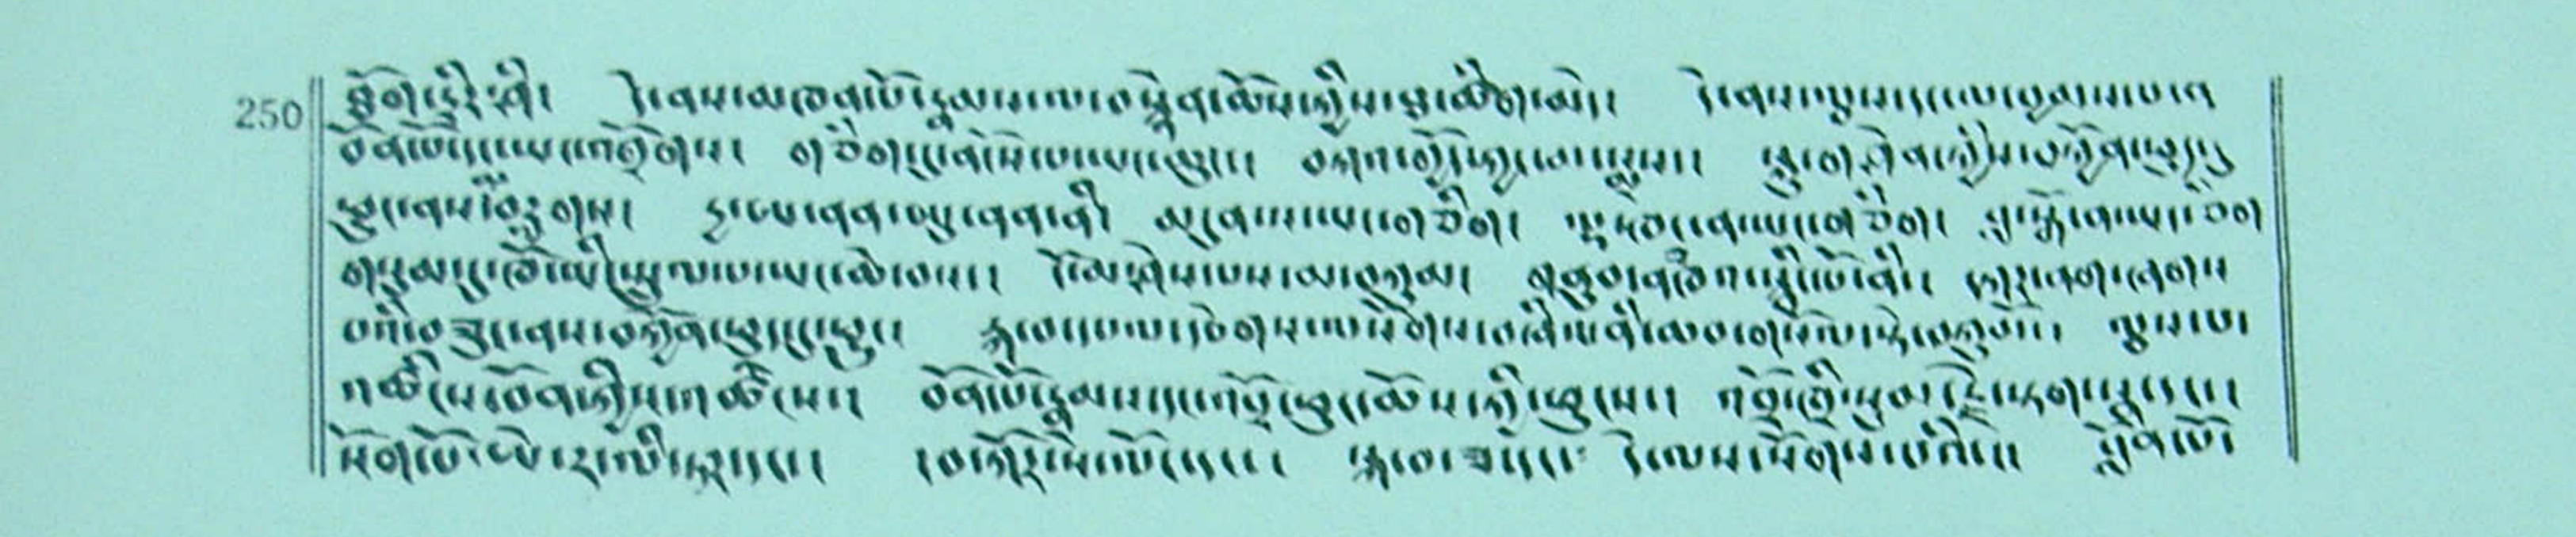ཐོག་དྲིར་ཤི དེ་ནས་མཁན་པོ་རྣམས་ལ་བསྙེན་ཆོས་ཀྱི་ཐ་ཚིག་མེད། དེ་ནས་ལྦས་དང་ལ་བྱམས་པ་ནི། 
བོན་པོ་དང་ཡང་འགྲོགས། གཅིག་ཏུ་ནོངས་པ་ཡང་ཆུང་། བཀའ་གྱོད་ཀྱང་མ་སྨྲས། སྐུ་གཤེན་གྱི་བཀྱོན་
ཕུད་དུ་བྱུང་ནས་མ་བརླགས། རྒྱ་ཨ་ནན་ཨུ་ནན་ནི། མདུན་ས་ཡང་གཅིག ལྷ་ཁང་ན་ཡང་གཅིག བླ་སྒོ་ན་ཡང་གཅིག 
གསུམ་དུ་ཁོའི་སྤྲུལ་པ་ཡང་ཆེ་བས། ངོ་མ་ཤེས་པས་མ་བཀུམ། གནུབས་ནམ་མཁའི་སྙིང་པོ་ནི། དཀར་ནག་ཞགས་
པ་ཡིས་བཟུང་ནས་བཀྱོན་ཕུད་དུ་ཕྱུང་། ཀ་བ་དཔལ་བརྩེགས་ལ་སོགས་བཞིའ་ནི་ཆབ་གསོལ་ཏེ་བཀུམ་མོ། །ལྦས་པ་
འཆིངས་བོན་གྱིས་འཆིངས། བོན་པོ་རྣམས་དང་འབྲོ་ཕུང་ཆོས་ཀྱིས་ཕུངས། འབྲོ་ཁྲི་སུམ་རྗེ་སྟག་སྣ་དང་།
 སོག་པོ་ཨེ་ར་ལི་དཊ་དང་། བ་གོར་སེ་ལོང་དང་། སྐ་བ་ཟ་དང་། དེ་ལ་སོགས་པའི། བློན་པོ་